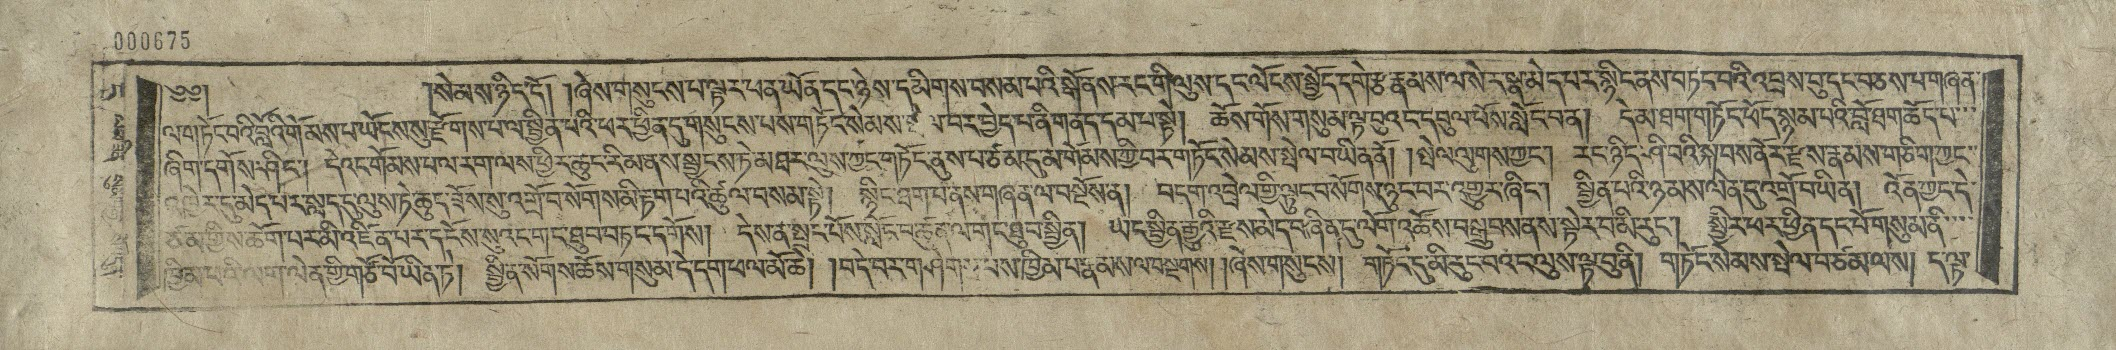༄༅། །སེམས་ཉིད་དོ། །ཞེས་གསུངས་པ་ལྟར་ཕན་ཡོན་དང་ཉེས་དམིགས་བསམ་པའི་སྒོ་ནས་རང་གི་ལུས་དང་ལོངས་སྤྱོད་དགེ་རྩ་རྣམས་ལ་སེར་སྣ་མེད་པར་སྙིང་ནས་བཏང་བའི་འབྲས་བུ་དང་བཅས་པ་གཞན་
ལ་གཏོང་བའི་བློའི་གོམས་པ་ཡོངས་སུ་རྫོགས་པ་ལ་སྦྱིན་པའི་ཕར་ཕྱིན་དུ་གསུངས་པས་གཏོང་སེམས་སྤེལ་བར་བྱེད་པ་ནི་གནད་དམ་པ་སྟེ། ཆོས་གོས་གསུམ་ལྟ་བུའང་དབུལ་པོས་སློང་བ་ན། དེ་མ་ཐག་གཏོང་ཕོད་སྙམ་པའི་བློ་ཐག་ཆོད་པ་
ཞིག་དགོས་ཤིང་། དེའང་གོམས་པ་ལ་རག་ལས་ཕྱིར་ཆུང་རིམ་ནས་སྦྱངས་ཏེ་མཐར་ལུས་ཀྱང་གཏོང་ནུས་པ་ཙམ་དུ་མ་གོམས་ཀྱི་བར་གཏོང་སེམས་སྤེལ་བ་ཡིན་ནོ། །སྤེལ་ལུགས་ཀྱང་། རང་ཉིད་ཤི་བའི་སྐབས་ནོར་རྫས་རྣམས་གཅིག་ཀྱང་
འཁྱེར་དུ་མེད་པར་སླད་དུ་ལུས་ཏེ་ཆུད་ཟོས་སུ་འགྲོ་བ་སོགས་མི་རྟག་པའི་ཚུལ་བསམ་སྟེ། སྙིང་ཐག་པ་ནས་གཞན་ལ་བསྔོས་ན། བདག་འབྲེལ་གྱི་ལྟུང་བ་སོགས་ཉུང་བར་འགྱུར་ཞིང་། སྦྱིན་པའི་ཉམས་ལེན་དུ་འགྲོ་བ་ཡིན། འོན་ཀྱང་དེ་
ཙམ་གྱིས་ཆོག་པར་མི་འཛིན་པར་དངོས་སུའང་གང་ཐུབ་བཏང་དགོས། དེས་ན་སྤྲང་པོས་སློང་བ་ཚུན་ལ་གང་ཐུབ་སྦྱིན། ཡང་སྦྱིན་རྒྱུའི་རྫས་མེད་བཞིན་དུ་ལོག་འཚོས་བསྒྲུབས་ནས་སྟེར་བ་མི་རུང་། སྤྱིར་ཕར་ཕྱིན་དང་པོ་གསུམ་ནི་
ཁྱིམ་པའི་ལག་ལེན་གྱི་གཙོ་བོ་ཡིན་ཏེ། སྦྱིན་སོགས་ཆོས་གསུམ་དེ་དག་ཕལ་མོ་ཆེ། །བདེ་བར་གཤེགས་པས་ཁྱིམ་པ་རྣམས་ལ་བསྔགས། །ཞེས་གསུངས། གཏོང་དུ་མི་རུང་བའང་ལུས་ལྟ་བུ་ནི། གཏོང་སེམས་སྤེལ་བ་ཙམ་ལས། ད་ལྟ་